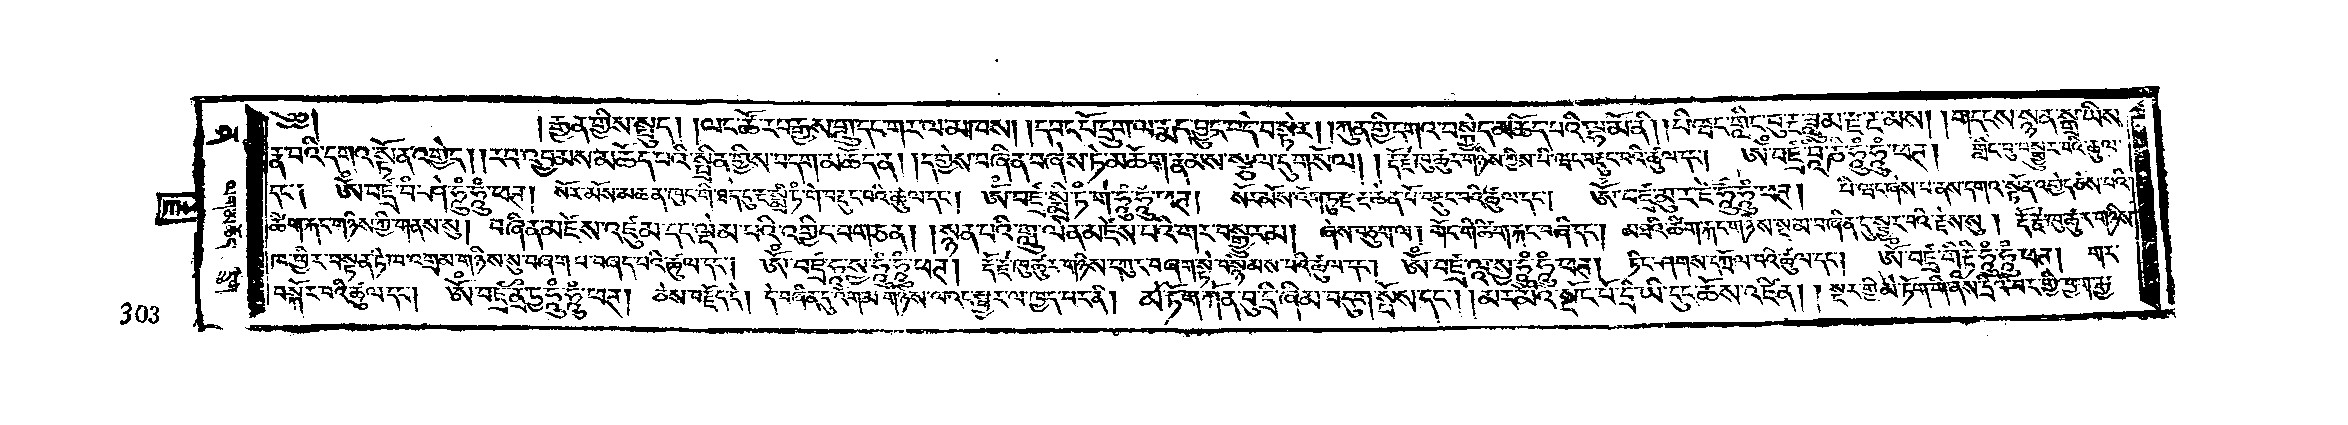༄༅། །རྒྱན་གྱིས་སྤུད། །ལང་ཚོ་རབ་རྒྱས་གླུ་དང་གར་ལ་མཁས། །དབང་པོ་དྲུག་ལ་རྨད་བྱུང་བདེ་བ་སྟེར། །ཀུན་གྱི་དགའ་བསྐྱེད་མཆོད་པའི་ལྷ་མོ་ནི། །པི་ཝང་གླིང་བུ་རྔ་ཟླུམ་རྫ་རྔ་མས། །གདངས་སྙན་སྒྲ་ཡིས་
རྣ་བའི་དགའ་སྟོན་འགྱེད། །རབ་འབྱམས་མཆོད་པའི་སྤྲིན་གྱིས་བདག་མཆོད་ན། །དགྱེས་བཞིན་བཞེས་ཏེ་མཆོག་རྣམས་སྩལ་དུ་གསོལ། ། རྡོ་རྗེ་ཁུ་ཚུར་གཉིས་ཀྱིས་པི་ཝང་བརྡུང་བའི་ཚུལ་དང་།  ཨོཾ་བཛྲ་བཱི་ཎི་ཧཱུཾ་ཧཱུཾ་ཕཊ། གླིང་བུ་བསྒྱུར་བའི་ཚུལ་
དང་། ཨོཾ་བཛྲ་བཾ་ཤེ་ཧཱུཾ་ཧཱུཾ་ཕཊ། སོར་མོས་མཚན་ཁུང་གི་ཐད་དུ་རྔ་སྨྲི་ཏཾ་གེ་བརྡུང་བའི་ཚུལ་དང་།  ཨོཾ་བཛྲ་སྨྲི་ཏཾ་གེ་ཧཱུཾ་ཧཱུཾ་ཕཊ། སོར་མོས་འོག་ཏུ་རྫ་རྔ་ཆེན་པོ་བརྡུང་བའི་ཚུལ་དང་།  ཨོཾ་བཛྲ་མུ་ར་ཛེ་ཧཱུཾ་ཧཱུཾ་ཕཊ། པི་ཝང་ཞེས་པ་ནས་དགའ་སྟོན་འགྱེད་ཅེས་པའི་
ཚིག་རྐང་གཉིས་ཀྱི་གནས་སུ། བཞིན་མཛེས་འཛུམ་དང་ལྡེམ་པའི་འགྱིང་བག་ཅན། །སྙན་པའི་གླུ་ལེན་མཛེས་པའི་གར་བསྒྱུར་མ། ཞེས་བཅུག་ལ། གོང་གི་ཚིག་རྐང་བཞི་དང་། མཐའི་ཚིག་རྐང་གཉིས་སྔ་མ་བཞིན་དུ་སྦྱར་བའི་རྗེས་སུ། རྡོ་རྗེ་ཁུ་ཚུར་གཉིས་
ཁ་ཕྱིར་བསྟན་ཏེ་ཁ་འགྲམ་གཉིས་སུ་བཞག་པ་བཞད་པའི་ཚུལ་དང་། ཨོཾ་བཛྲ་ཧཱ་སྱ་ཧཱུཾ་ཧཱུཾ་ཕཊ། རྡོ་རྗེ་ཁུ་ཚུར་གཉིས་དཀུར་བཞག་སྟེ་བསྙེམས་པའི་ཚུལ་དང་།  ཨོཾ་བཛྲ་ལཱ་སྱ་ཧཱུཾ་ཧཱུཾ་ཕཊ། ཏིང་ཤགས་དཀྲོལ་བའི་ཚུལ་དང་།  ཨོཾ་བཛྲ་གཱི་རྟི་ཧཱུཾ་ཧཱུཾ་ཕཊ། གར་
བསྐོར་བའི་ཚུལ་དང་། ཨོཾ་བཛྲ་ནྲྀ་ཏྱ་ཧཱུཾ་ཧཱུཾ་ཕཊ། ཅེས་བརྗོད་དེ། དེ་བཞིན་དུ་འོག་མ་གཉིས་ལའང་སྦྱར་ལ་ཁྱད་པར་ནི།  མེ་ཏོག་ཀོན་བུ་དྲི་ཞིམ་བདུག་སྤོས་དང་། །མར་མེའི་སྡོང་པོ་དྲི་ཡི་དུང་ཆོས་འཛིན། །སྔར་གྱི་མེ་ཏོག་གི་ནས་དྲིའི་བར་གྱི་ཕྱག་རྒྱ་